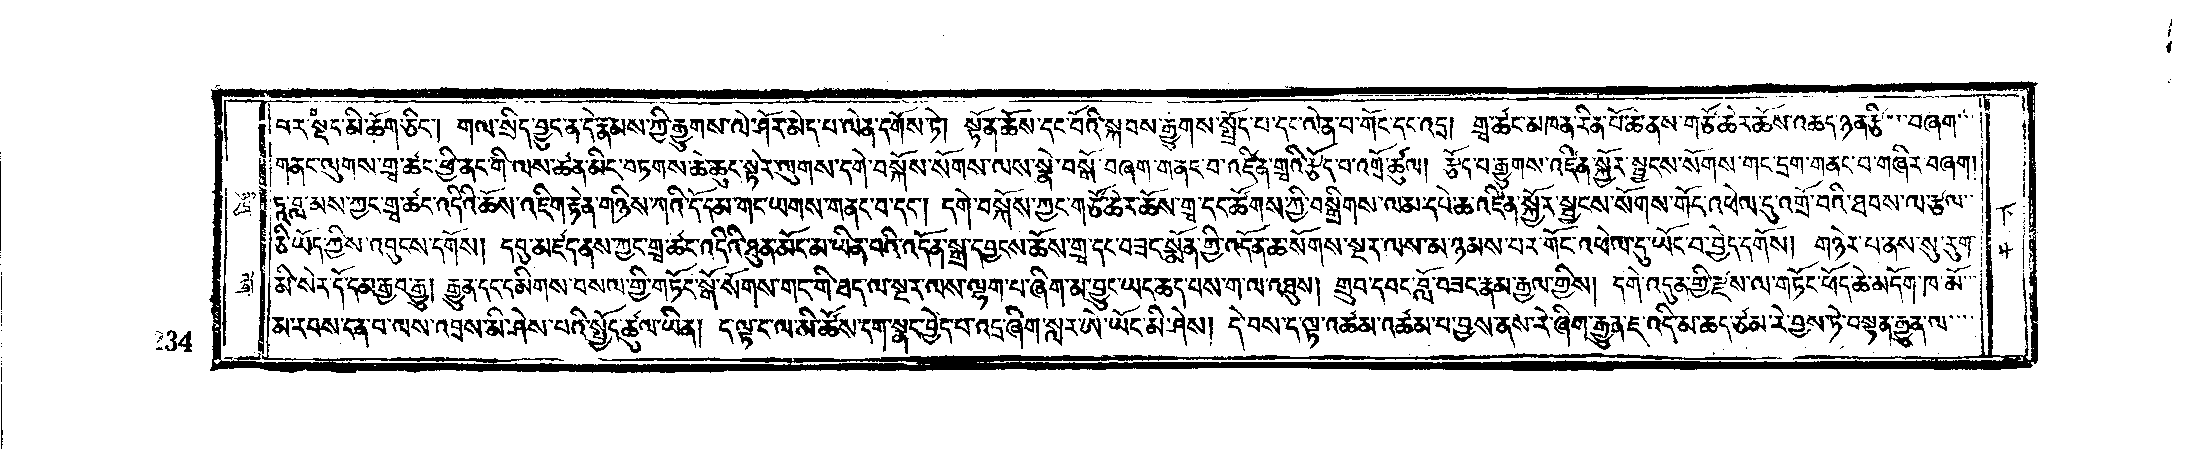བར་བསྡང་མི་ཆོག་ཅིང་། གལ་སྲིད་བྱུང་ན་དེ་རྣམས་ཀྱི་རྒྱུགས་ལེ་ཤོར་མེད་པ་ལེན་དགོས་ཏེ། སྟོན་ཆོས་དང་པོའི་སྐབས་རྒྱུགས་སྤྲོད་པ་དང་ལེན་པ་གོང་དང་འདྲ། གྲྭ་ཚང་མཁན་རིན་པོ་ཆེ་ནས་གཙོ་ཆེར་ཆོས་འཆད་ཉན་རྩི་བཞག་
གནང་ལུགས་གྲྭ་ཚང་ཕྱི་ནང་གི་ལས་ཚན་མིང་བཏགས་ཆེ་ཆུང་སྟེར་ལུགས་དགེ་བསྐོས་སོགས་ལས་སྣེ་བསྒོ་བཞག་གནང་བ་འཛིན་གྲྭའི་རྩོད་པ་འགྲོ་ཚུལ། རྩོད་པ་རྒྱུགས་འཛིན་སྐྱོར་སྦྱངས་སོགས་གང་དྲག་གནང་བ་གཞིར་བཞག།
ཏཱ་བླ་མས་ཀྱང་གྲྭ་ཚང་འདིའི་ཆོས་འཇིག་རྟེན་གཉིས་ཀའི་དོ་དམ་གང་ཡགས་གནང་བ་དང་། དགེ་བསྐོས་ཀྱང་གཙོ་ཆེར་ཆོས་གྲྭ་དང་ཚོགས་ཀྱི་བསྒྲིགས་ལམ་དཔེ་ཆ་འཛིན་སྐྱོར་སྦྱངས་སོགས་གོང་འཕེལ་དུ་འགྲོ་བའི་ཐབས་ལ་རྩལ་
ཅི་ཡོད་ཀྱིས་འབུངས་དགོས། དབུ་མཛད་ནས་ཀྱང་གྲྭ་ཚང་འདིའི་ཐུན་མོང་མ་ཡིན་པའི་འདོན་སྒྲ་དབྱངས་ཆོས་གྲྭ་དང་བཟང་སྨོན་གྱི་འདོན་ཆ་སོགས་སྔར་ལས་མ་ཉམས་པར་གོང་འཕེལ་དུ་ཡོང་བ་བྱེད་དགོས། གཉེར་པ་ནས་སུ་རུག་
མི་སེར་དོ་དམ་རྒྱབ་རྒྱུ། རྒྱུན་དང་དམིགས་བསལ་གྱི་གཏོང་སྒོ་སོགས་གང་གི་ཐད་ལ་སྔར་ལས་ལྷག་པ་ཞིག་མ་བྱུང་ཡང་ཆད་པས་ག་ལ་འཐུས། གྲུབ་དབང་བློ་བཟང་རྣམ་རྒྱལ་གྱིས། དགེ་འདུན་གྱི་རྫས་ལ་གཏོང་ཕོད་ཆེ་མདོག་ཁ་མོ་
མ་རབས་ངན་པ་ལས་འབྲས་མི་ཤེས་པའི་སྤྱོད་ཚུལ་ཡིན། ད་ལྟ་ང་ལ་མི་ཚོས་དག་སྣང་བྱེད་པ་འདྲ་ཞིག་སླར་ཨེ་ཡོང་མི་ཤེས། དེ་བས་ད་ལྟ་འཚམ་འཚམ་པ་བྱས་ནས་རེ་ཞིག་རྒྱུན་ཇ་འདི་མ་ཆད་ཙམ་རེ་བྱས་ཏེ་བསྟན་རྒྱུན་ལ་